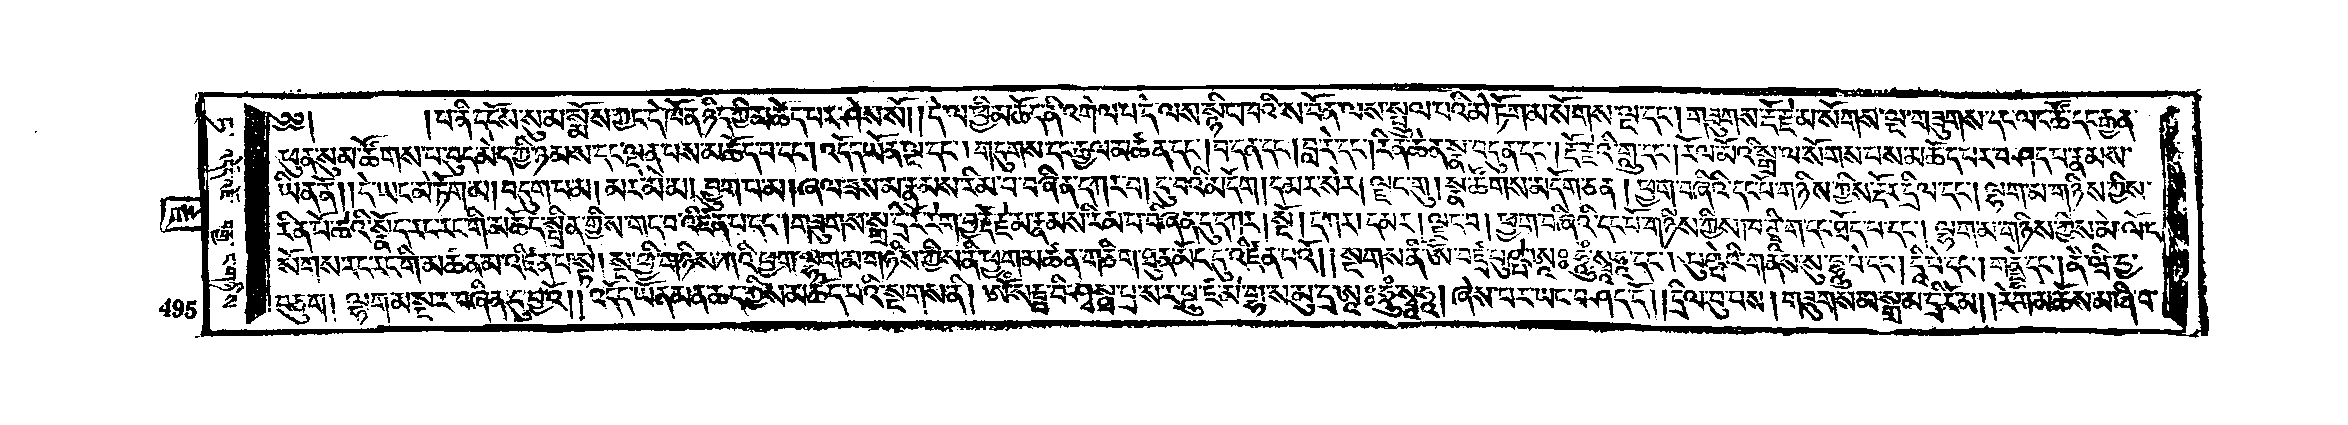༄༅། །པ་ནི་དངོས་སུ་མ་སྨོས་ཀྱང་དེ་ཁོ་ན་ཉིད་ཀྱི་མཆོད་པར་ཤེས་སོ། །དེ་ལ་ཕྱི་མཆོད་ནི་འགྲེལ་པ་དེ་ལས་སྙིང་ཁའི་ས་བོན་ལས་སྤྲུལ་པའི་མེ་ཏོག་མ་སོགས་ལྔ་དང་། གཟུགས་རྡོ་རྗེ་མ་སོགས་ལྔ་གཟུགས་དང་ལང་ཚོ་དང་རྒྱན་
ཕུན་སུམ་ཚོགས་པ་བུད་མེད་ཀྱི་ཉམས་དང་ལྡན་པས་མཆོད་པ་དང་། འདོད་ཡོན་ལྔ་དང་། གདུགས་དང་རྒྱལ་མཚན་དང་། བ་དན་དང་། བླ་རེ་དང་། རིན་ཆེན་སྣ་བདུན་དང་། རྡོ་རྗེའི་གླུ་དང་། རོལ་མོའི་སྒྲ་ལ་སོགས་པས་མཆོད་པར་བཤད་པ་རྣམས་
ཡིན་ནོ། །དེ་ཡང་མེ་ཏོག་མ། བདུག་པ་མ། མར་མེ་མ། བྱུག་པ་མ། ཞལ་ཟས་མ་རྣམས་རིམ་པ་བཞིན་དཀར་བ། དུ་བའི་མདོག །དམར་སེར། ལྗང་གུ །སྣ་ཚོགས་མདོག་ཅན། ཕྱག་བཞིའི་དང་པོ་གཉིས་ཀྱིས་རྡོར་དྲིལ་དང་། ལྷག་མ་གཉིས་ཀྱིས་
རིན་པོ་ཆེའི་སྣོད་རང་རང་གི་མཆོད་སྤྲིན་གྱིས་གང་བ་འཛིན་པ་དང་། གཟུགས་སྒྲ་དྲི་རོ་རེག་བྱ་རྡོ་རྗེ་མ་རྣམས་རིམ་པ་བཞིན་དུ་དཀར། སྔོ། དཀར། དམར། ལྗང་བ། ཕྱག་བཞིའི་དང་པོ་གཉིས་ཀྱིས་ཁ་ཊྭཱཾ་དང་ཐོད་པ་དང་། ལྷག་མ་གཉིས་ཀྱིས་མེ་ལོང་
སོགས་རང་རང་གི་མཚན་མ་འཛིན་པ་སྟེ། སྔ་ཕྱི་གཉིས་ཀའི་ཕྱག་ལྷག་མ་གཉིས་ཀྱིས་ནི་ཕྱག་མཚན་གཅིག་ཐུན་མོང་དུ་འཛིན་པའོ། །སྔགས་ནི་ཨོཾ་བཛྲ་པུཥྤེ་ཨཱཿཧཱུཾ་སྭཱཧཱ་དང་། པུཥྤེའི་གནས་སུ་དྷཱུ་པེ་དང་། དཱི་པེ་དང་། གནྡྷེ་དང་། ནཻ་ཝི་དྱ་
བཅུག །ལྷག་མ་སྔར་བཞིན་དུ་བྱའོ། །འདོད་ཡོན་མན་ཆད་ཀྱིས་མཆོད་པའི་སྔགས་ནི། ཨོཾ་སརྦྦ་བི་ཤྭསྠ་པྲ་ས་ར་པཱུ་ཛ་མེ་གྷ་ས་མུ་དྲ་ཨཱཿཧཱུཾ་སྭཱ་ཧཱ། ཞེས་པར་ཡང་བཤད་དོ། །དྲིལ་བུ་པས། གཟུགས་མ་སྒྲ་མ་དྲི་རོ་མ། །རེག་མ་ཆོས་མ་ཞི་བ་